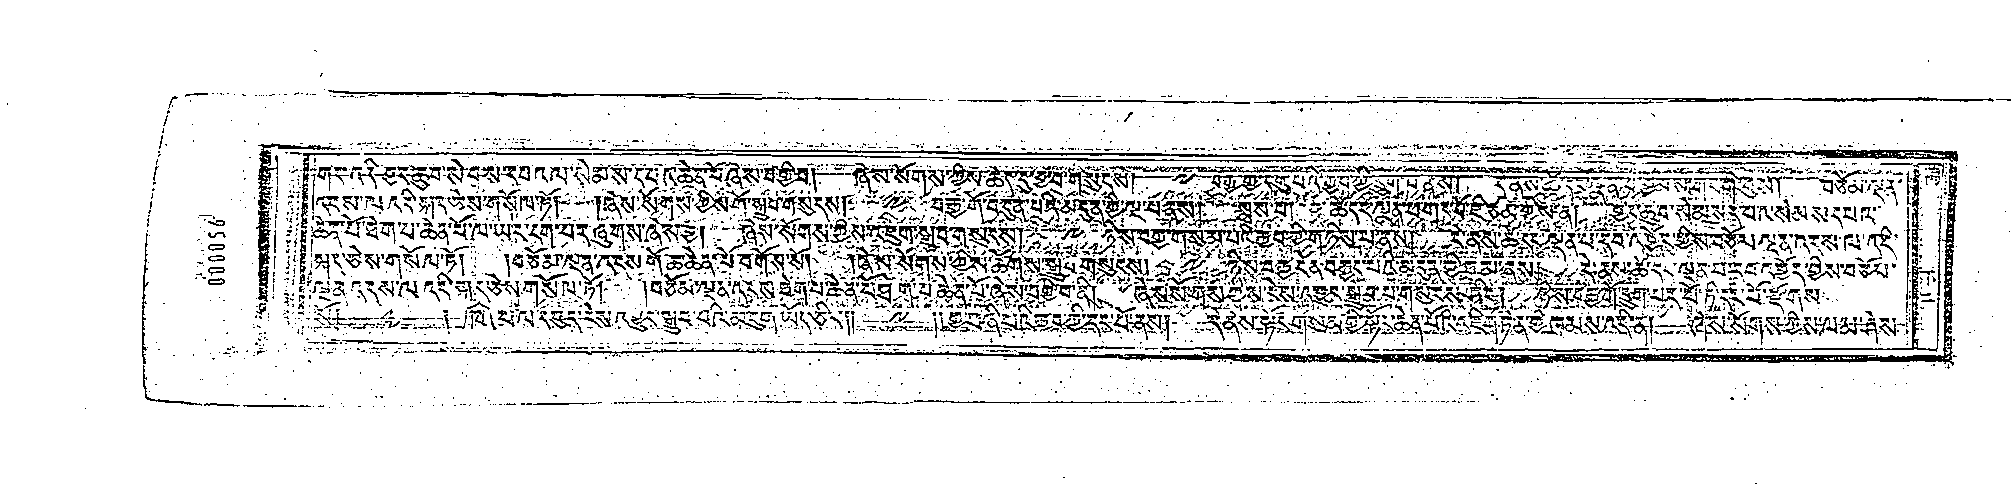གང་འདི་བྱང་ཆུབ་སེམས་དཔའ་ལ་སེམས་དཔའ་ཆེན་པོ་ཞེས་བགྱི་བ། ཞེས་སོགས་ཀྱིས་ཆེད་དུ་བྱ་བ་གསུངས། ༧་བརྒྱ་གྱ་དགུ་བའི་རྒྱབ་ཀྱི་དྲུག་པ་ནས། དེ་ནས་ཚེ་དང་ལྡན་པ་བྱམས་གང་གི་བུས། བཅོམ་ལྡན་
འདས་ལ་འདི་སྐད་ཅེས་གསོལ་ཏོ། །ཞེས་སོགས་ཀྱིས་གོ་སྒྲུབ་གསུངས། ༧་བརྒྱ་གོ་བདུན་པའི་མདུན་གྱི་ལྔ་པ་ནས། སྨྲས་པ། ཚེ་དང་ལྡན་པ་གང་པོ་ཇི་ཙམ་གྱིས་ན། བྱང་ཆུབ་སེམས་དཔའ་སེམས་དཔའ་
ཆེན་པོ་ཐེག་པ་ཆེན་པོ་ལ་ཡང་དག་པར་ཞུགས་ཞེས་བྱ། ཞེས་སོགས་ཀྱིས་འཇུག་སྒྲུབ་གསུངས། ༧་ཉིས་བརྒྱ་གསུམ་པའི་རྒྱབ་ཀྱི་གཉིས་པ་ནས། དེ་ནས་ཚེ་དང་ལྡན་པ་རབ་འབྱོར་གྱིས་བཅོམ་ལྡན་འདས་ལ་འདི་
སྐད་ཅེས་གསོལ་ཏོ། །བཅོམ་ལྡན་འདས་གོ་ཆ་ཆེན་པོ་བགོས་སོ། །ཞེས་སོགས་ཀྱིས་ཚོགས་སྒྲུབ་གསུངས། ༧་ཉིས་བརྒྱ་དོན་བརྒྱད་པའི་མདུན་གྱི་ཐ་མ་ནས། དེ་ནས་ཚེ་དང་ལྡན་པ་རབ་འབྱོར་གྱིས་བཅོམ་
ལྡན་འདས་ལ་འདི་སྐད་ཅེས་གསོལ་ཏོ། །བཅོམ་ལྡན་འདས་ཐེག་པ་ཆེན་པོ་ཐེག་པ་ཆེན་པོ་ཞེས་བགྱི་བ་ནི། ཞེས་སོགས་ཀྱིས་ངེས་འབྱུང་སྒྲུབ་པ་གསུངས་ཤིང་། ཉིས་བརྒྱ་གོ་དྲུག་པར་པོ་ཏི་དང་པོ་རྫོགས་
སོ། ༧་།ཁ྄་པ་ལ་དབུད་ངེས་འབྱུང་སྒྲུབ་པའི་མཇུག་ཡོད་ཅིང།། ༧་།།གྱ་བཞི་པའི་རྒྱབ་ཀྱི་དང་པོ་ནས། དེ་ནས་སྟོང་གསུམ་གྱི་སྟོང་ཆེན་པོའི་འཇིག་རྟེན་གྱི་ཁམས་འདི་ནས། ཞེས་སོགས་ཀྱིས་ལམ་ཤེས་